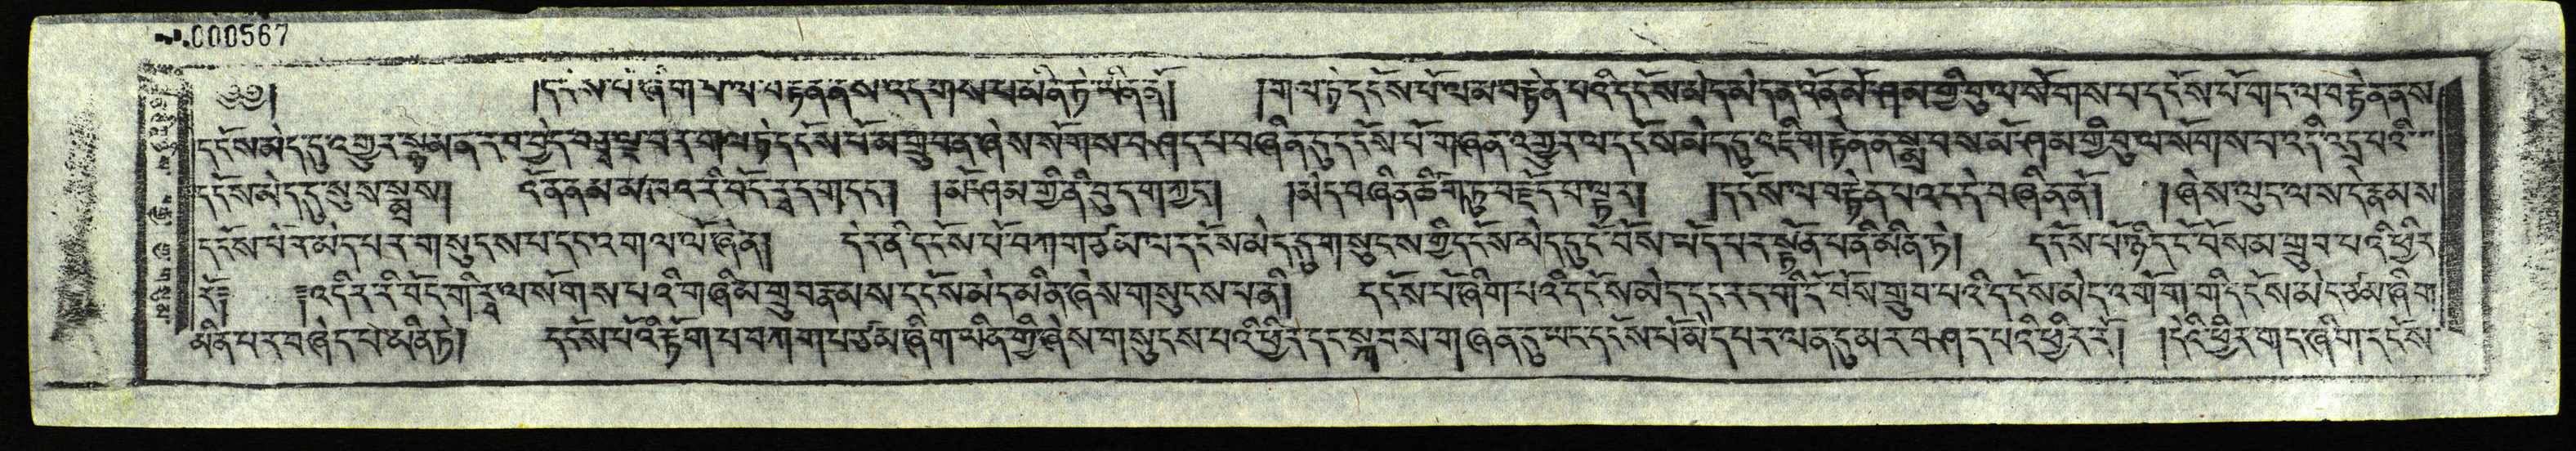༄༅། །དངོས་པོ་ཞིག་པ་ལ་བརྟན་ནས་འདགས་པ་མིན་ཏེ་ཡིན་ནོ། །གལ་ཏེ་དངོས་པོ་ལ་མ་བརྟེན་པའི་དངོས་མེད་མེད་ན་འོན་མོ་ཤམ་གྱི་བུ་ལ་སོགས་པ་དངོས་པོ་གང་ལ་བརྟེན་ནས་
དངོས་མེད་དུ་འགྱུར་སྙམ་ན་རབ་བྱེད་བཅྭ་ལྔ་བར་གལ་ཏེ་དངོས་པོ་མ་གྲུབ་ན་ཞེས་སོགས་བཤད་པ་བཞིན་དུ་དངོས་པོ་གཞན་འགྱུར་ལ་དངོས་མེད་དུ་འཇིག་རྟེན་ན་སྨྲ་བས་མོ་ཤམ་གྱི་བུ་ལ་སོགས་པ་འདི་འདྲ་བའི་
དངོས་མེད་དུ་སུས་སྨྲས། འོ་ན་ནམ་མཁའ་རི་བོང་རྭ་དག་དང་། །མོ་ཤམ་གྱི་ནི་བུ་དག་ཀྱང་། །མེད་བཞིན་ཚིག་ཏུ་བརྗོད་པ་ལྟར། །དངོས་ལ་བརྟེན་པའང་དེ་བཞིན་ནོ། །ཞེས་ལུང་ལས་དེ་རྣམས་
དངོས་པོར་མེད་པར་གསུངས་པ་དང་འགལ་ལོ་ཞེ་ན། དེར་ནི་དངོས་པོ་བཀག་ཙམ་ལ་དངོས་མེད་དུ་གསུངས་ཀྱི་དངོས་མེད་དུ་ངོ་བོས་ཡོད་པར་སྟོན་པ་ནི་མིན་ཏེ། དངོས་པོ་ཉིད་ངོ་བོ་མ་གྲུབ་པའི་ཕྱིར་
རོ༑ ༑འདིར་རི་བོང་གི་རཱ་ལ་སོགས་པའི་གཞི་མ་གྲུབ་རྣམས་དངོས་མེད་མིན་ཞེས་གསུངས་པ་ནི། དངོས་པོ་ཞིག་པའི་དངོས་མེད་དང་རང་གི་ངོ་བོས་གྲུབ་པའི་དངོས་མེད་འགོག་གི་དངོས་མེད་ཙམ་ཞིག་
མིན་པར་བཞེད་པ་མིན་ཏེ། དངོས་པོའི་རྟོག་པ་བཀག་ཙམ་ཞིག་ཡིན་གྱི་ཞེས་གསུངས་པའི་ཕྱིར་དང་སྐབས་གཞན་དུ་ཡང་དངོས་པོ་མེད་པར་ལན་དུ་མར་བཤད་པའི་ཕྱིར་རོ། །དེའི་ཕྱིར་གང་ཞིག་དངོས་